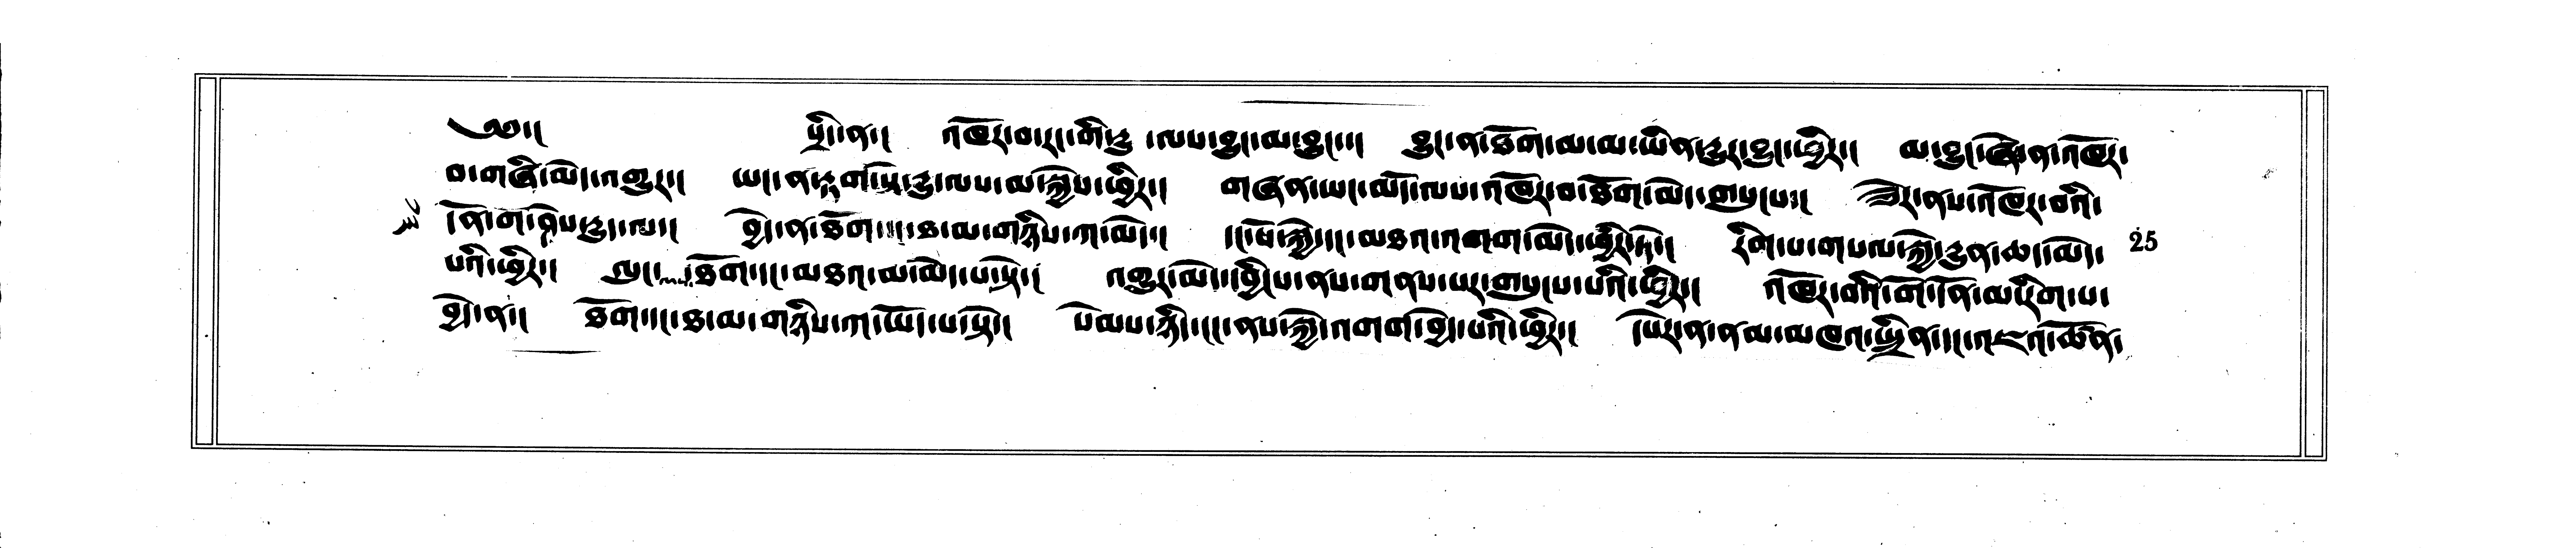སྲིད་ན། །འཁོར་བ་རང་གི་རྒྱུ་ལས་བྱུང་མ་བྱུང་། །བྱུང་ན་ཐོག་མ་མ་ཡིན་རྒྱུར་བྱུང་ཕྱིར། །མ་བྱུང་ཞེ་ན་འཁོར་
བ་གཞི་མེད་འགྱུར། །ཡང་ན་རྟག་སྟེ་རྒྱུ་ལས་མ་སྐྱེས་ཕྱིར། །གཞན་ཡང་མདོ་ལས་འཁོར་བ་ཐོག་མེད་གསུངས། །ཟེར་ནས་འཁོར་བའི་
དོན་གོ་ཤེས་རྒྱུད་ལ། །བྱེད་ན་ཐོག་དང་ཐ་མ་གཉིས་ཀ་མེད། །དང་པོ་སྐྱེ་དང་མཐའ་འགག་མེད་ཕྱིར་ཏེ། །རིག་པ་གསལ་སྐྱེ་རྒྱུན་ཆད་མེད་
པའི་ཕྱིར། །ལུང་ལས་ཐོག་དང་འཐའ་མ་མེད་པ་སྟེ། །འགྱུར་མེད་དབྱིངས་ན་གནས་པར་གསུངས་པའི་ཕྱིར། །འཁོར་བའི་གོ་དོན་མ་རིག་པ་
བྱེད་ན། །ཐོག་དང་ཐ་མ་གཉིས་ཀ་ཡོད་པ་སྟེ། །སེམས་ཉིད་ངང་ནས་སྐྱེ་འགག་བྱེད་པའི་ཕྱིར། །དཔེར་ན་ནམ་མཁའ་སྤྲིན་དང་འཇའ་ཚོན་